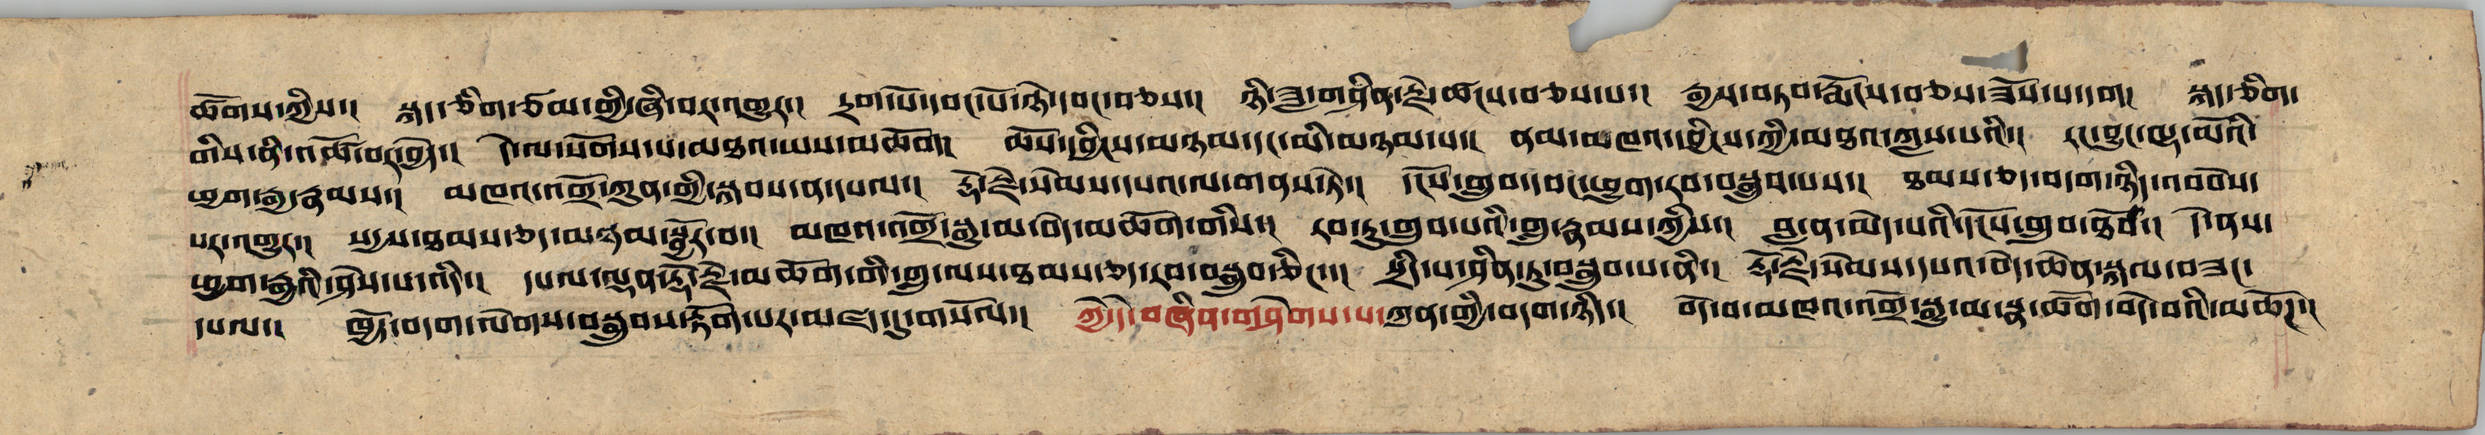ཚོགས་ཀྱིས་། སྐད་ཅིག་ཙམ་གྱི་ཞི་བར་འགྱུར་། དྲག་པོ་དབང་པོ་ཉེ་དབང་བཅས་། ཉི་ཟླ་གཤིན་རྗེ་ཚངས་བཅས་པ་། རྒྱས་བཏབ་རྨོངས་བཅས་ཟོས་པ་དག། སྐད་ཅིག་
གིས་ནི་འཚོ་བར་བྱེད་། དེ་ལ་སོགས་པ་མཐའ་ཡས་མཆོག། ཆོས་དབྱིངས་མཉམདང་མི་མཉམ་པ་། ནམ་མཁའ་དབྱིངས་ཀྱི་མཐའ་ཀླས་པའི་། རང་བྱུང་ལྷ་མོའི་
ཕྱག་རྒྱ་རྣམས་། མཁའ་འགྲོ་ཀུན་གྱི་སྐབས་ན་དཔལ་། རྡོ་རྗེ་སེམས་དཔའ་ལ་གནས་ཏེ་། དངོས་གྲུབ་དབང་ཕྱུག་རབ་བསྒྲུབ་པས་། ཐམས་ཅད་བདག་ཉིད་འབེབས་
པར་འགྱུར་། སདྱས་ཐམས་ཅད་མཉམསྦྱོར་བ་། མཁའ་འགྲོ་སྒྱུ་མ་བདེ་མཆོག་གིས་། རབ་ཏུ་གྲུབ་པའི་གླུ་རྣམས་ཀྱིས་། བླ་ན་མེད་པའི་དངོས་གྲུབ་ཐོབ་། དེ་ནས་
ཕྱག་རྒྱའི་ཤེས་པ་འདི་། དཔལ་ལྡན་རྡོ་རྗེ་མཆོག་གི་གླུ་ལས་ཐམས་ཅད་རབ་བསྒྲུབ་ཅིང་་། སྲིད་པ་ཤིན་ཏུ་བསྒྲུབ་པ་ནི་། རྡོརྗེ་སེམས་དཔའ་བདེ་ཆེན་སྐལ་བཟང་
དཔལ་། ཁྱོད་བདག་ལེགས་བསྒྲུབས་རྟོག་པར་མཛད་དུ་གསོལ་། ཀྱེ་དེ་བཞིན་གཤེགས་པ་ཀུན་གྱི་བདག་ཉིད་། བདེ་བ་མཁའ་འགྲོ་སྒྱུ་མ་སྣ་ཚོག་བདེ་བའི་མཆོཌ་།